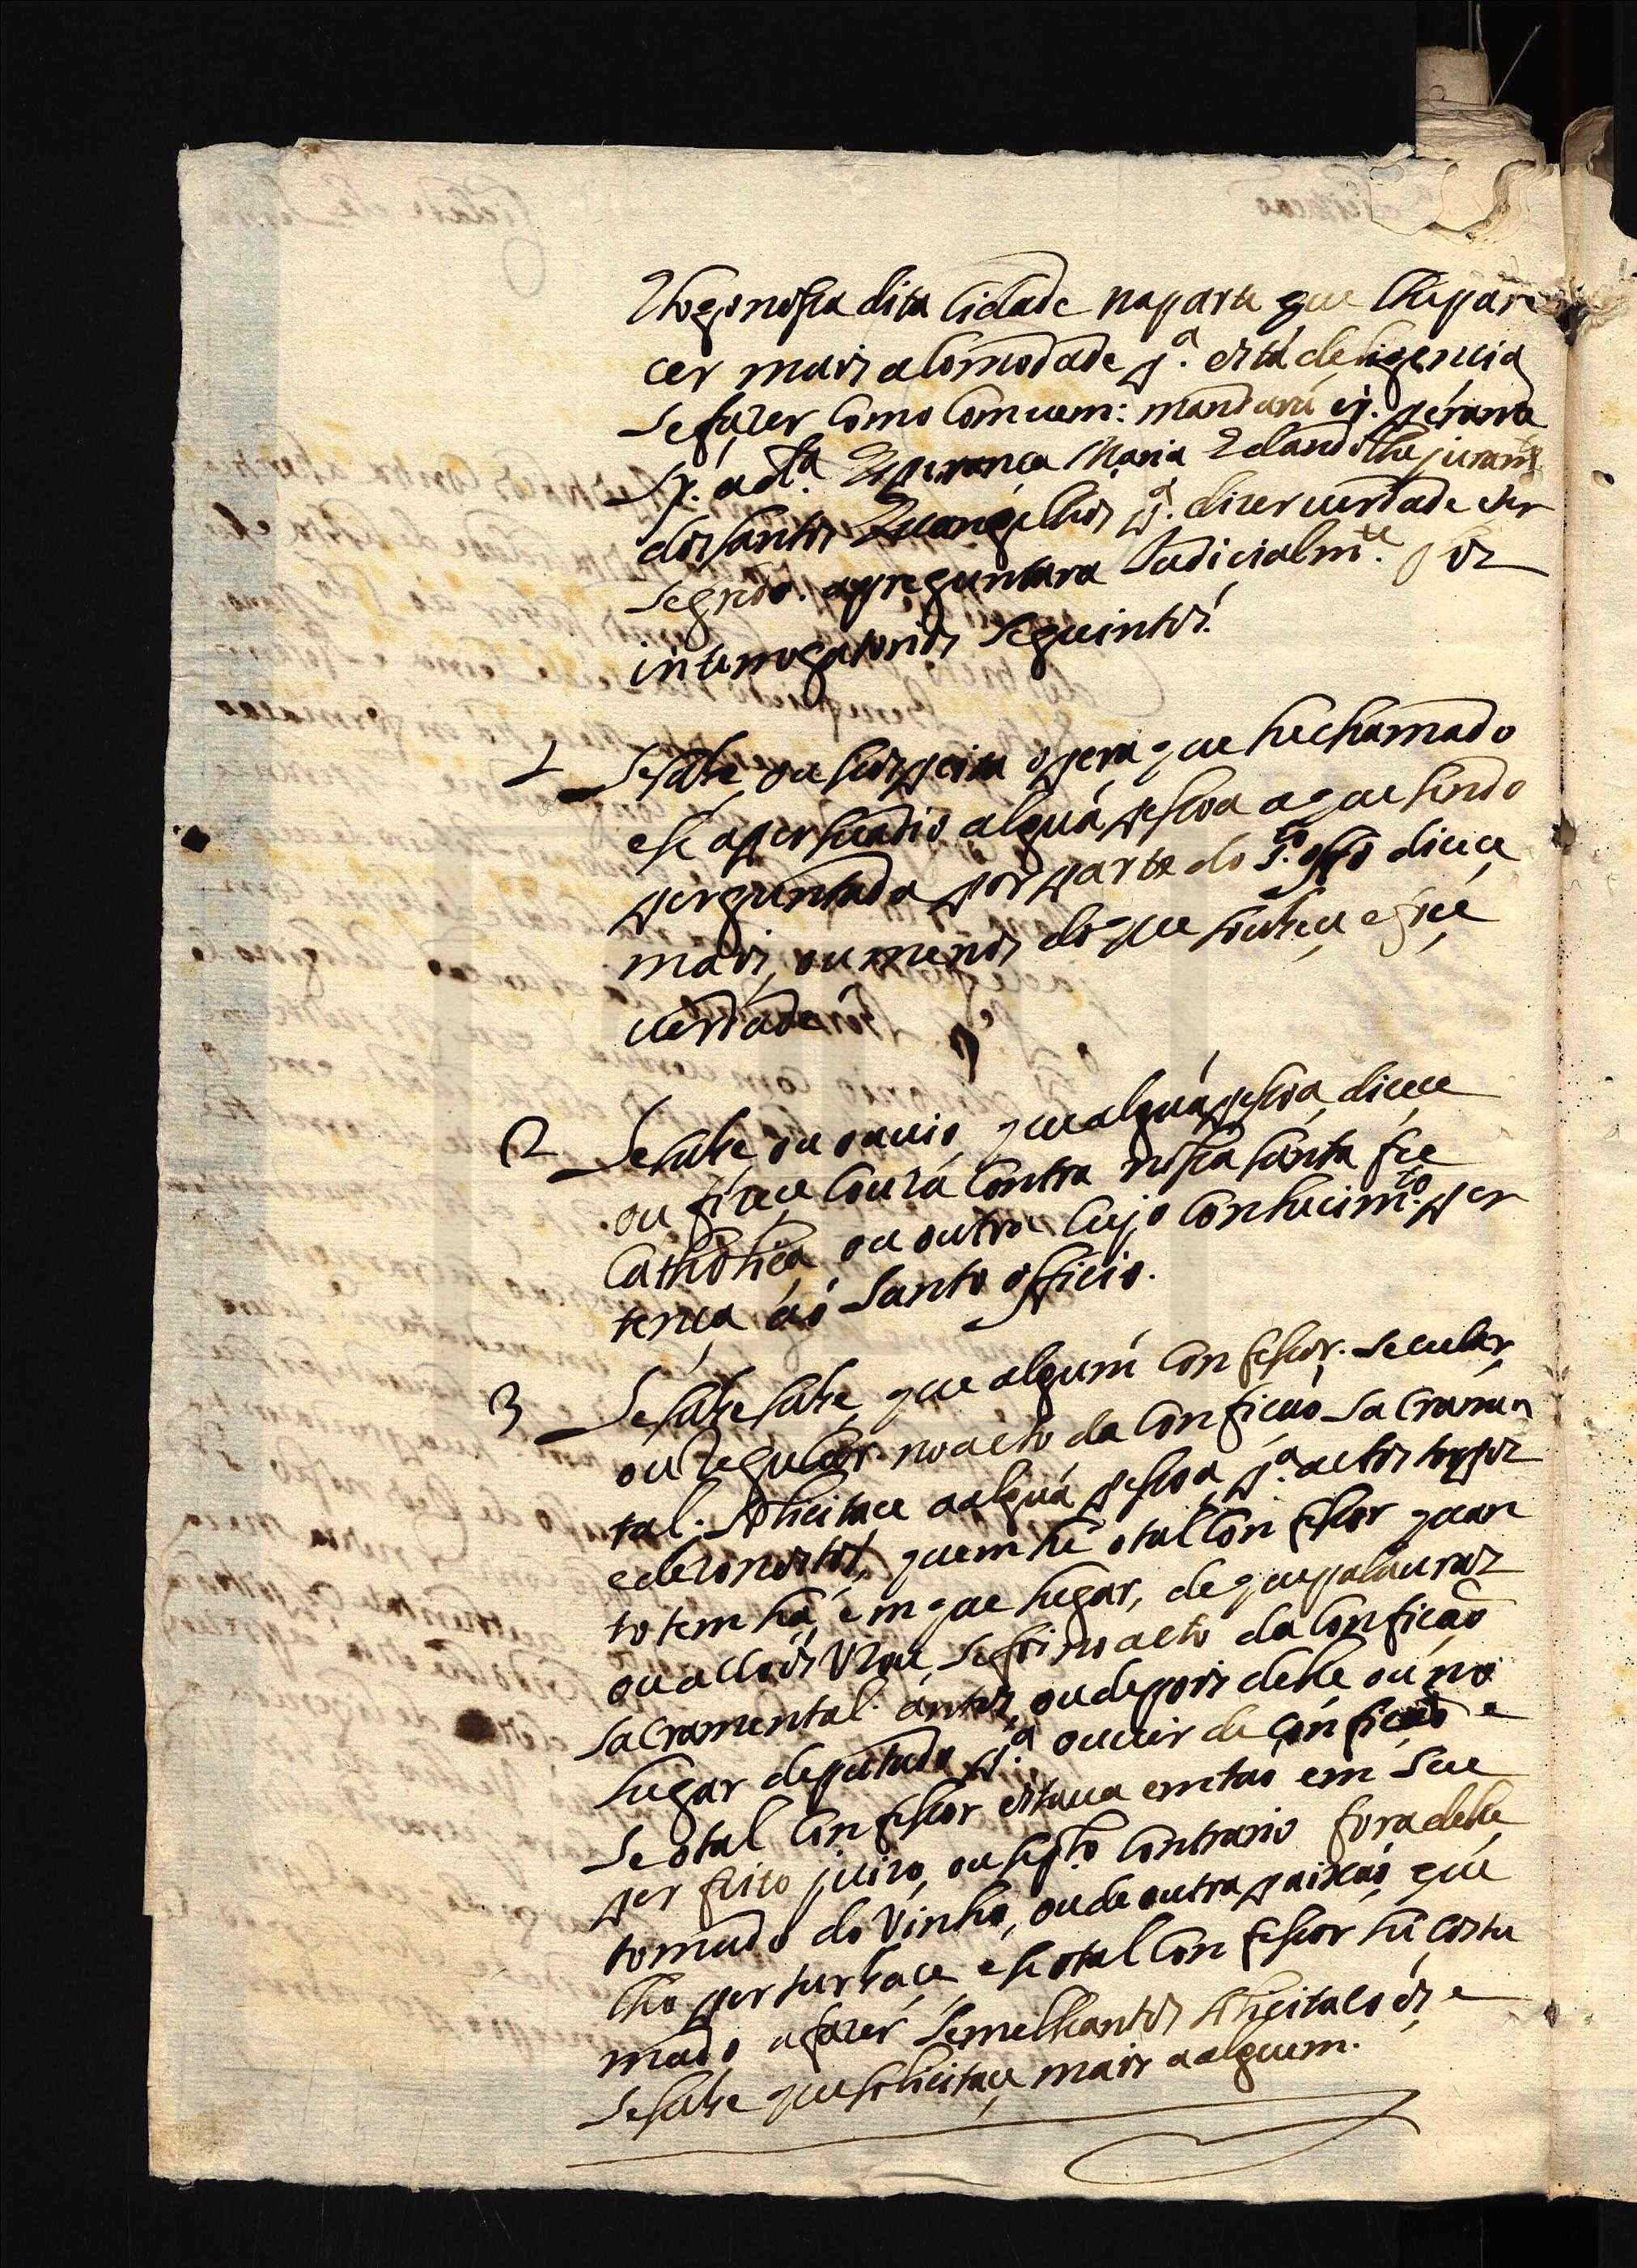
E logo nessa dita Cidade na parte que lhe pare
cer mais aComodade p.a esta deligencia
se fazer como comuem: mandará ir perante
Sy. a d̄.a Esperança Maria E dandolhe juramto
dos santos Euangelhos p.a dizer uerdade ter
segredo a preguntará Iudicialm.te por
interrogatorios seguintes.
1 Se sabe ou suspeita o pera que he chamado
e se a persuadio alguā pessoa a que sendo
perguntada por parte do s.to offo diceçe
mais, ou menos do que soubeçe e foçe
uerdade?
2 Se sabe, ou ouuio que alguā pessoa, diceçe
ou fizeçe couza contra nossa santa fee
Catholica, ou outra Cujo conhecim.to per
tença ao Santo officio.
3 Se sabe sabe que algum confessor. secular
ou Regular no acto da confiçaõ sacramen
tal. solcitaçe a alguā pessoa p.a actos torpez
e dezonestos, quem hé o tal confessor quan
to tem há, em que lugar, de que palauraz
ou acçois vzou, se foi no acto da Confiçaõ
sacramental antes, ou depois delle ou no
lugar deputado p.a ouuer de confiçaõ e
se o tal confessor estaua emtaõ em seu
perfeito juizo, ou se p.lo contrario fora delle
tomado do vinho, ou de outra paixaõ, que
lho perturbaçe, e se o tal confessor he costu
mado a fazer semelhantes Alicitações, e
se sabe que solicitaçe mais a alguem.
